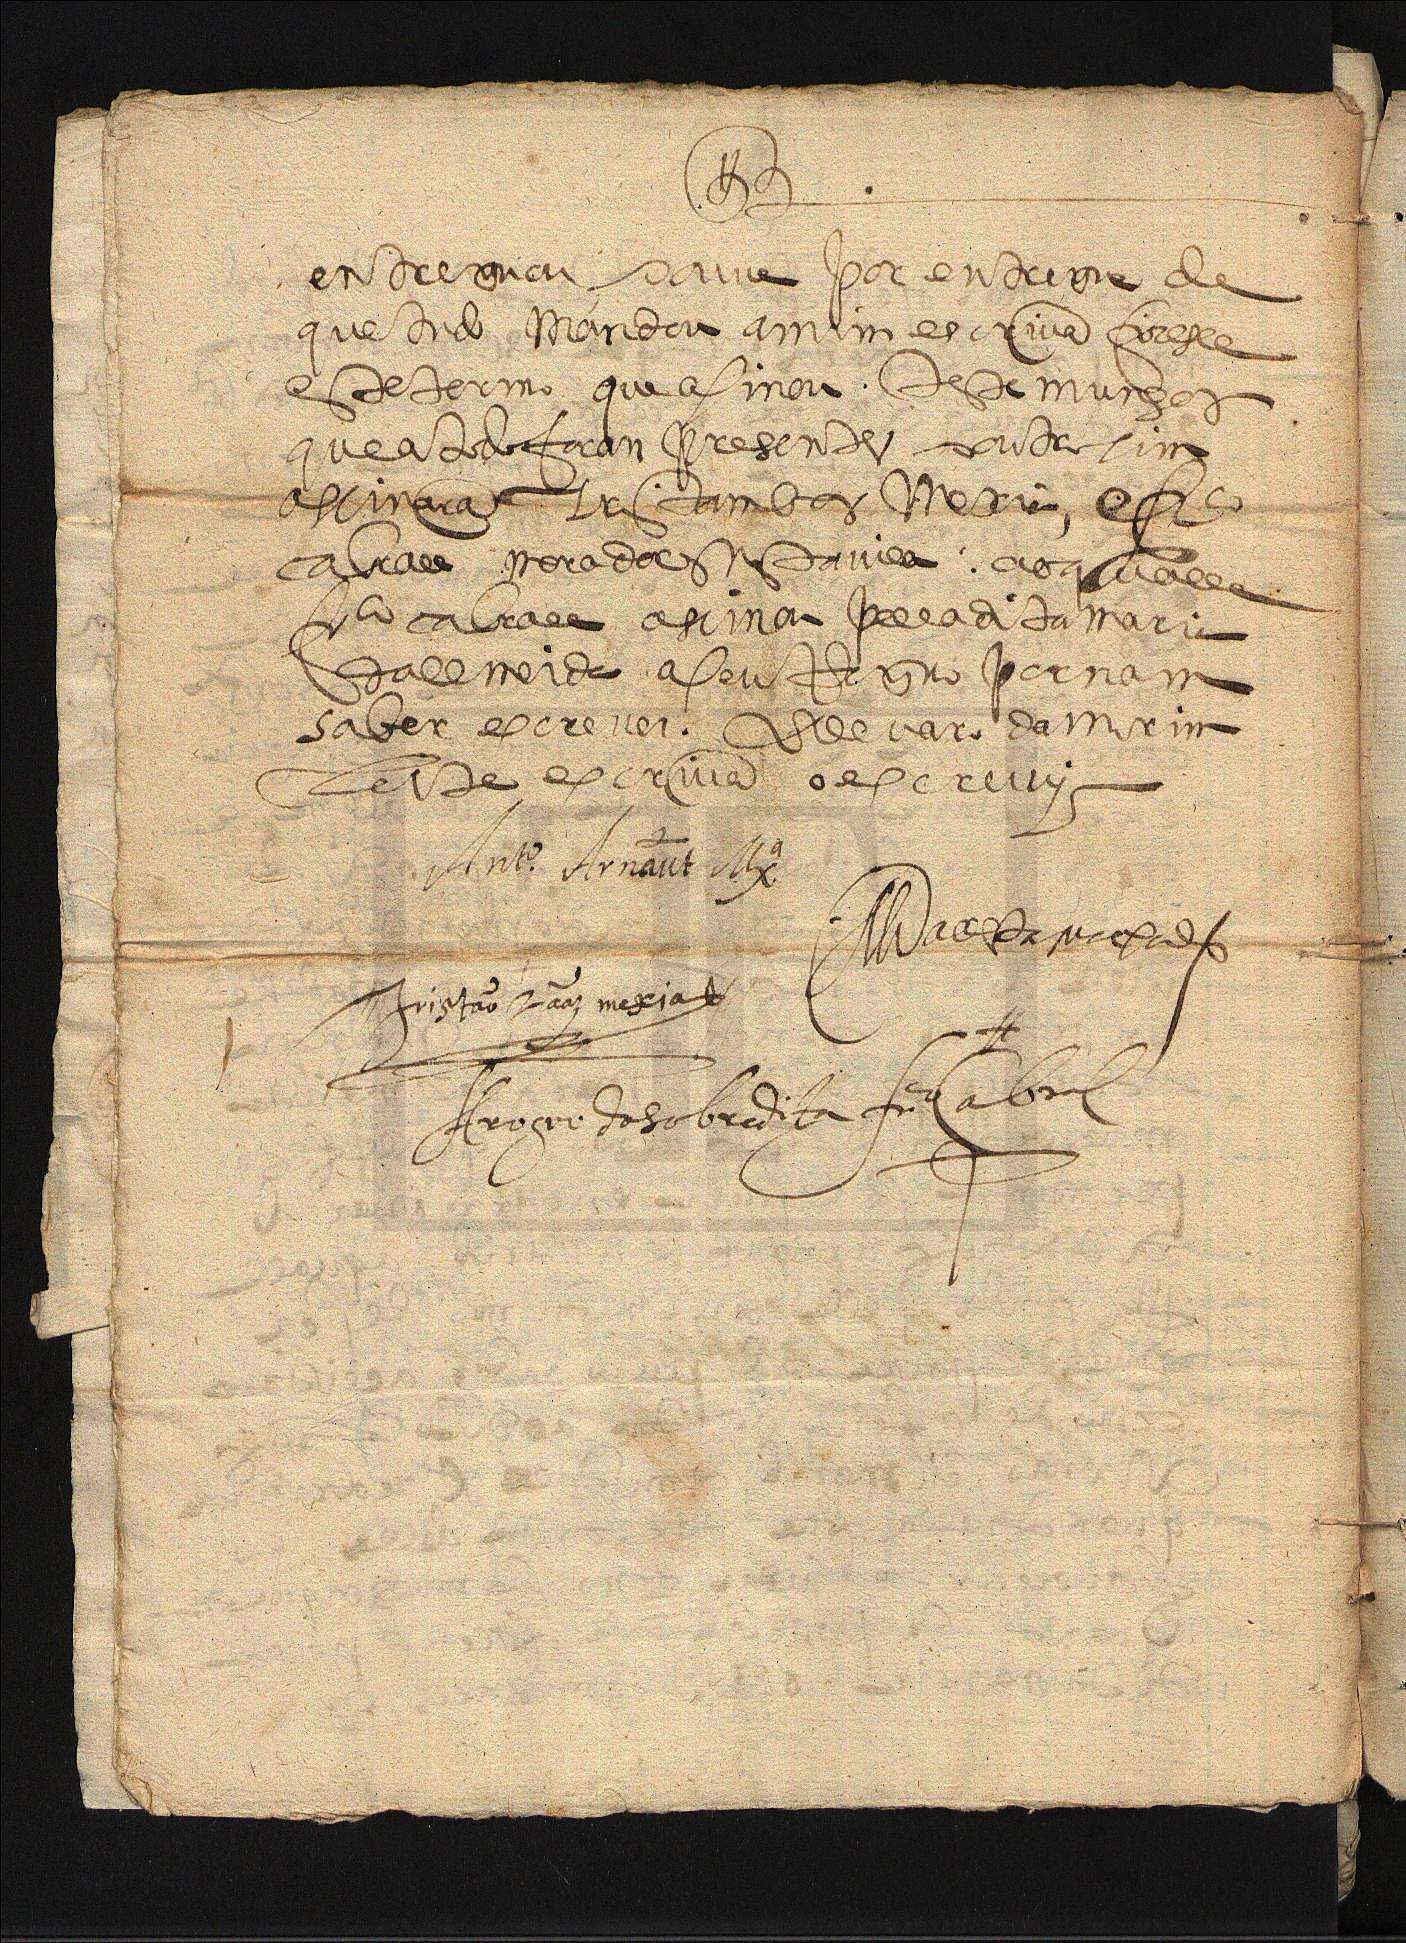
entreguou e ouue por entregue de
que tudo mandou a mim escriuā fizesse
este termo que asinou. testemunhas
que a todo foram presentes outrosim
assinarā Tristam vas Mexia, e frco
cabrall moradores nesta uilla. ao qualle
frco cabrall assinou pela dita maria
dallmeida a seu Roguo por nam
saber escreuer. Alluaro damorim
Leite escriuā o escreuy
Ant.o Arnaut Mxa
Tristaõ Vāaz mexia
A roguo da sobredita
frco Cabral
